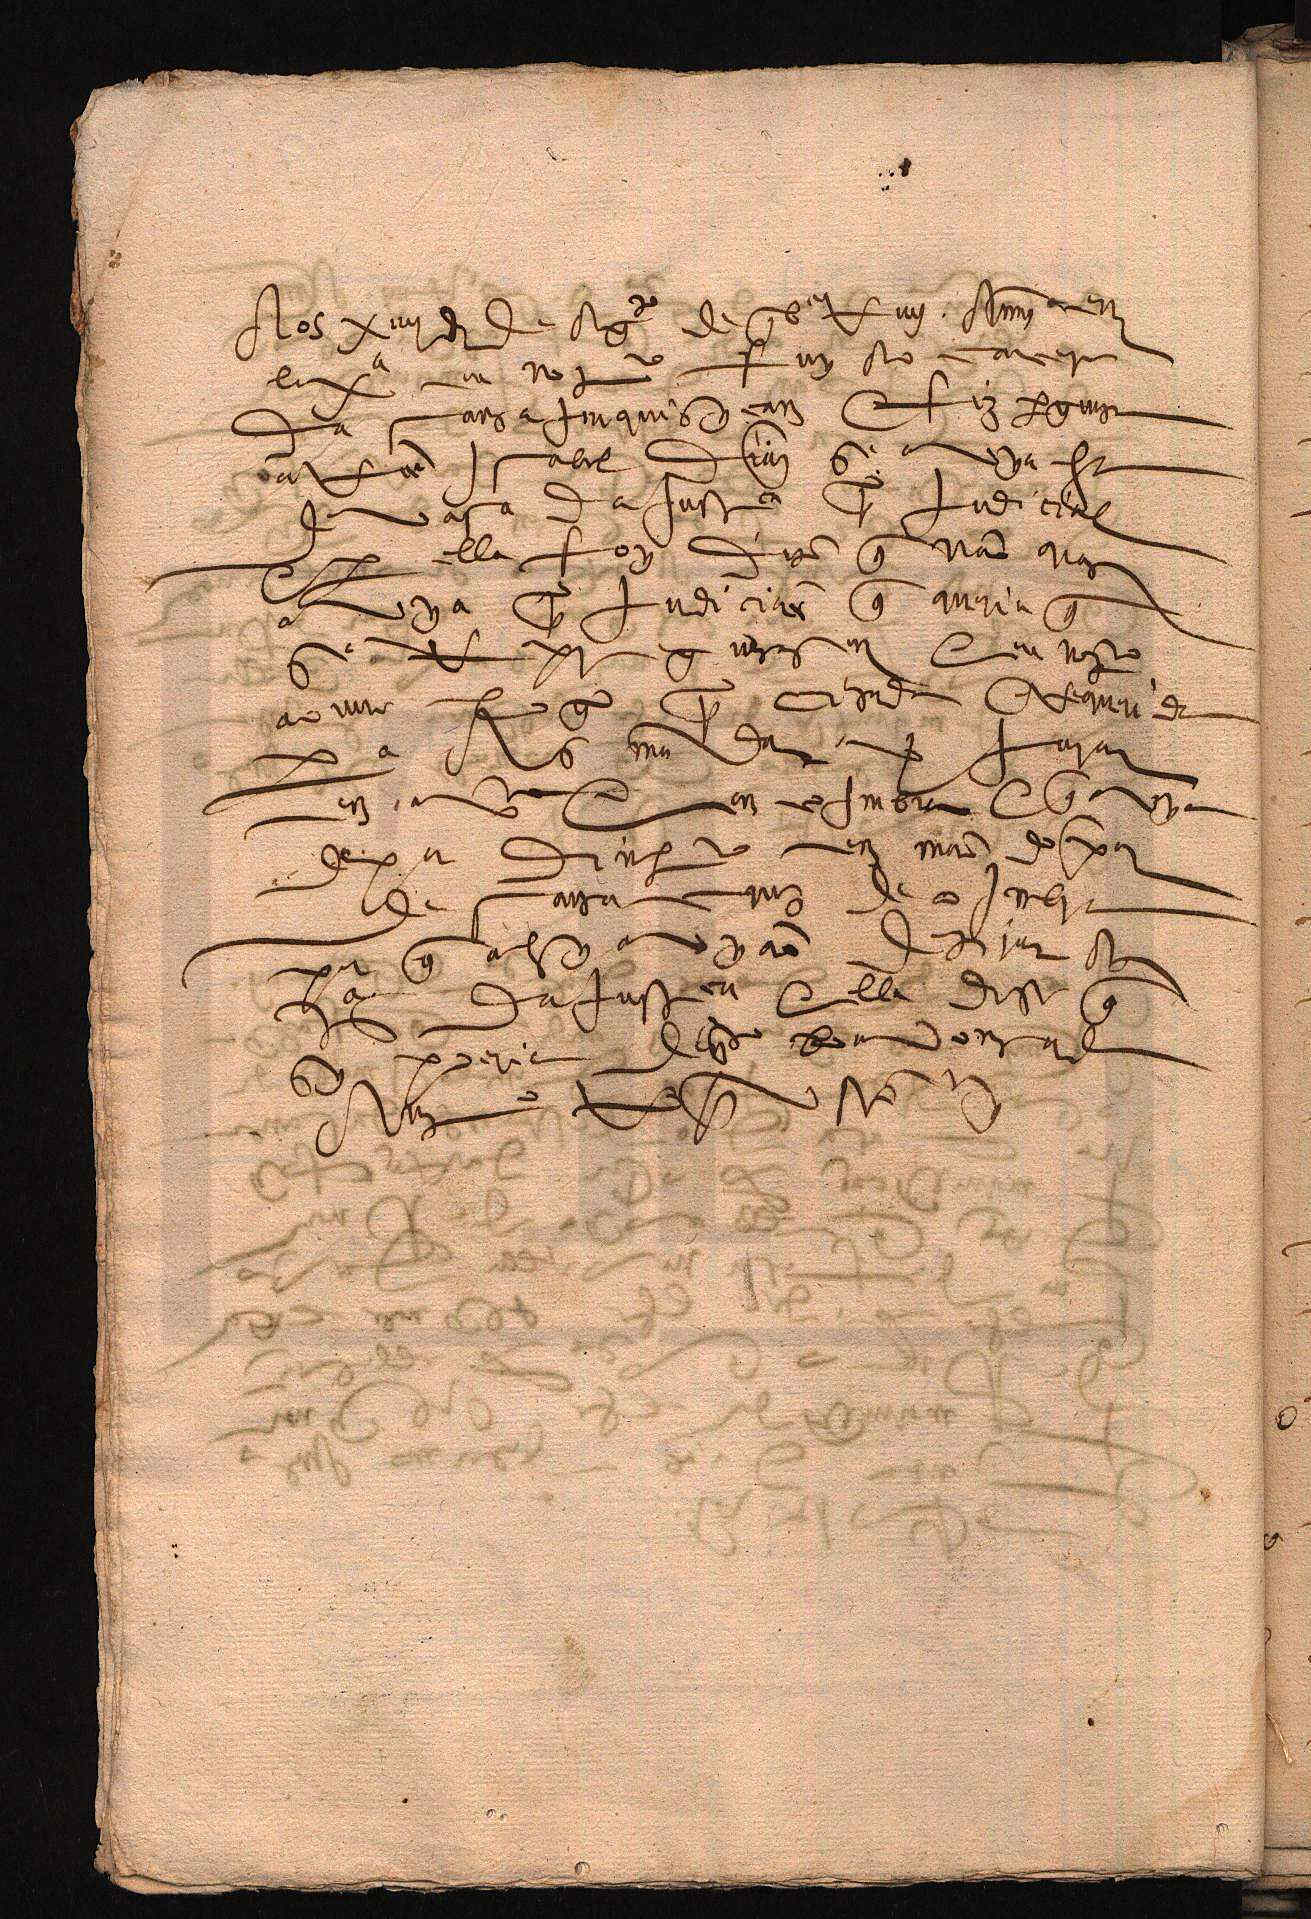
Aos Xiiij di de Agto de j̄ bc Riiij . Annꝯ em
liXa eu notro fuy Ao carcere
da santa Jmquisyçam e fiz ꝑgunta
a Ree Jsabel diaz se avya ha
devasa da Justça p̄o Judicial
e ꝑ ella foy dito q̄ não nas
avya p̄o Judiciaes q̄ queria q̄
se Repreguntasem e eu notro
a ouue logo p̄o çitada e Requerida
ꝑa As mādar ꝟ Jurar
em avro e em coJmbra e q̄ avya
de por dinhro em maõ do p̄or
de santa cruz de coJmbra
porq̄ ahy avyaõ de tirar As
tas da Justca e ella dise q̄
sy poeria de mto boa vontade
Anto Roj̄z o spvy
